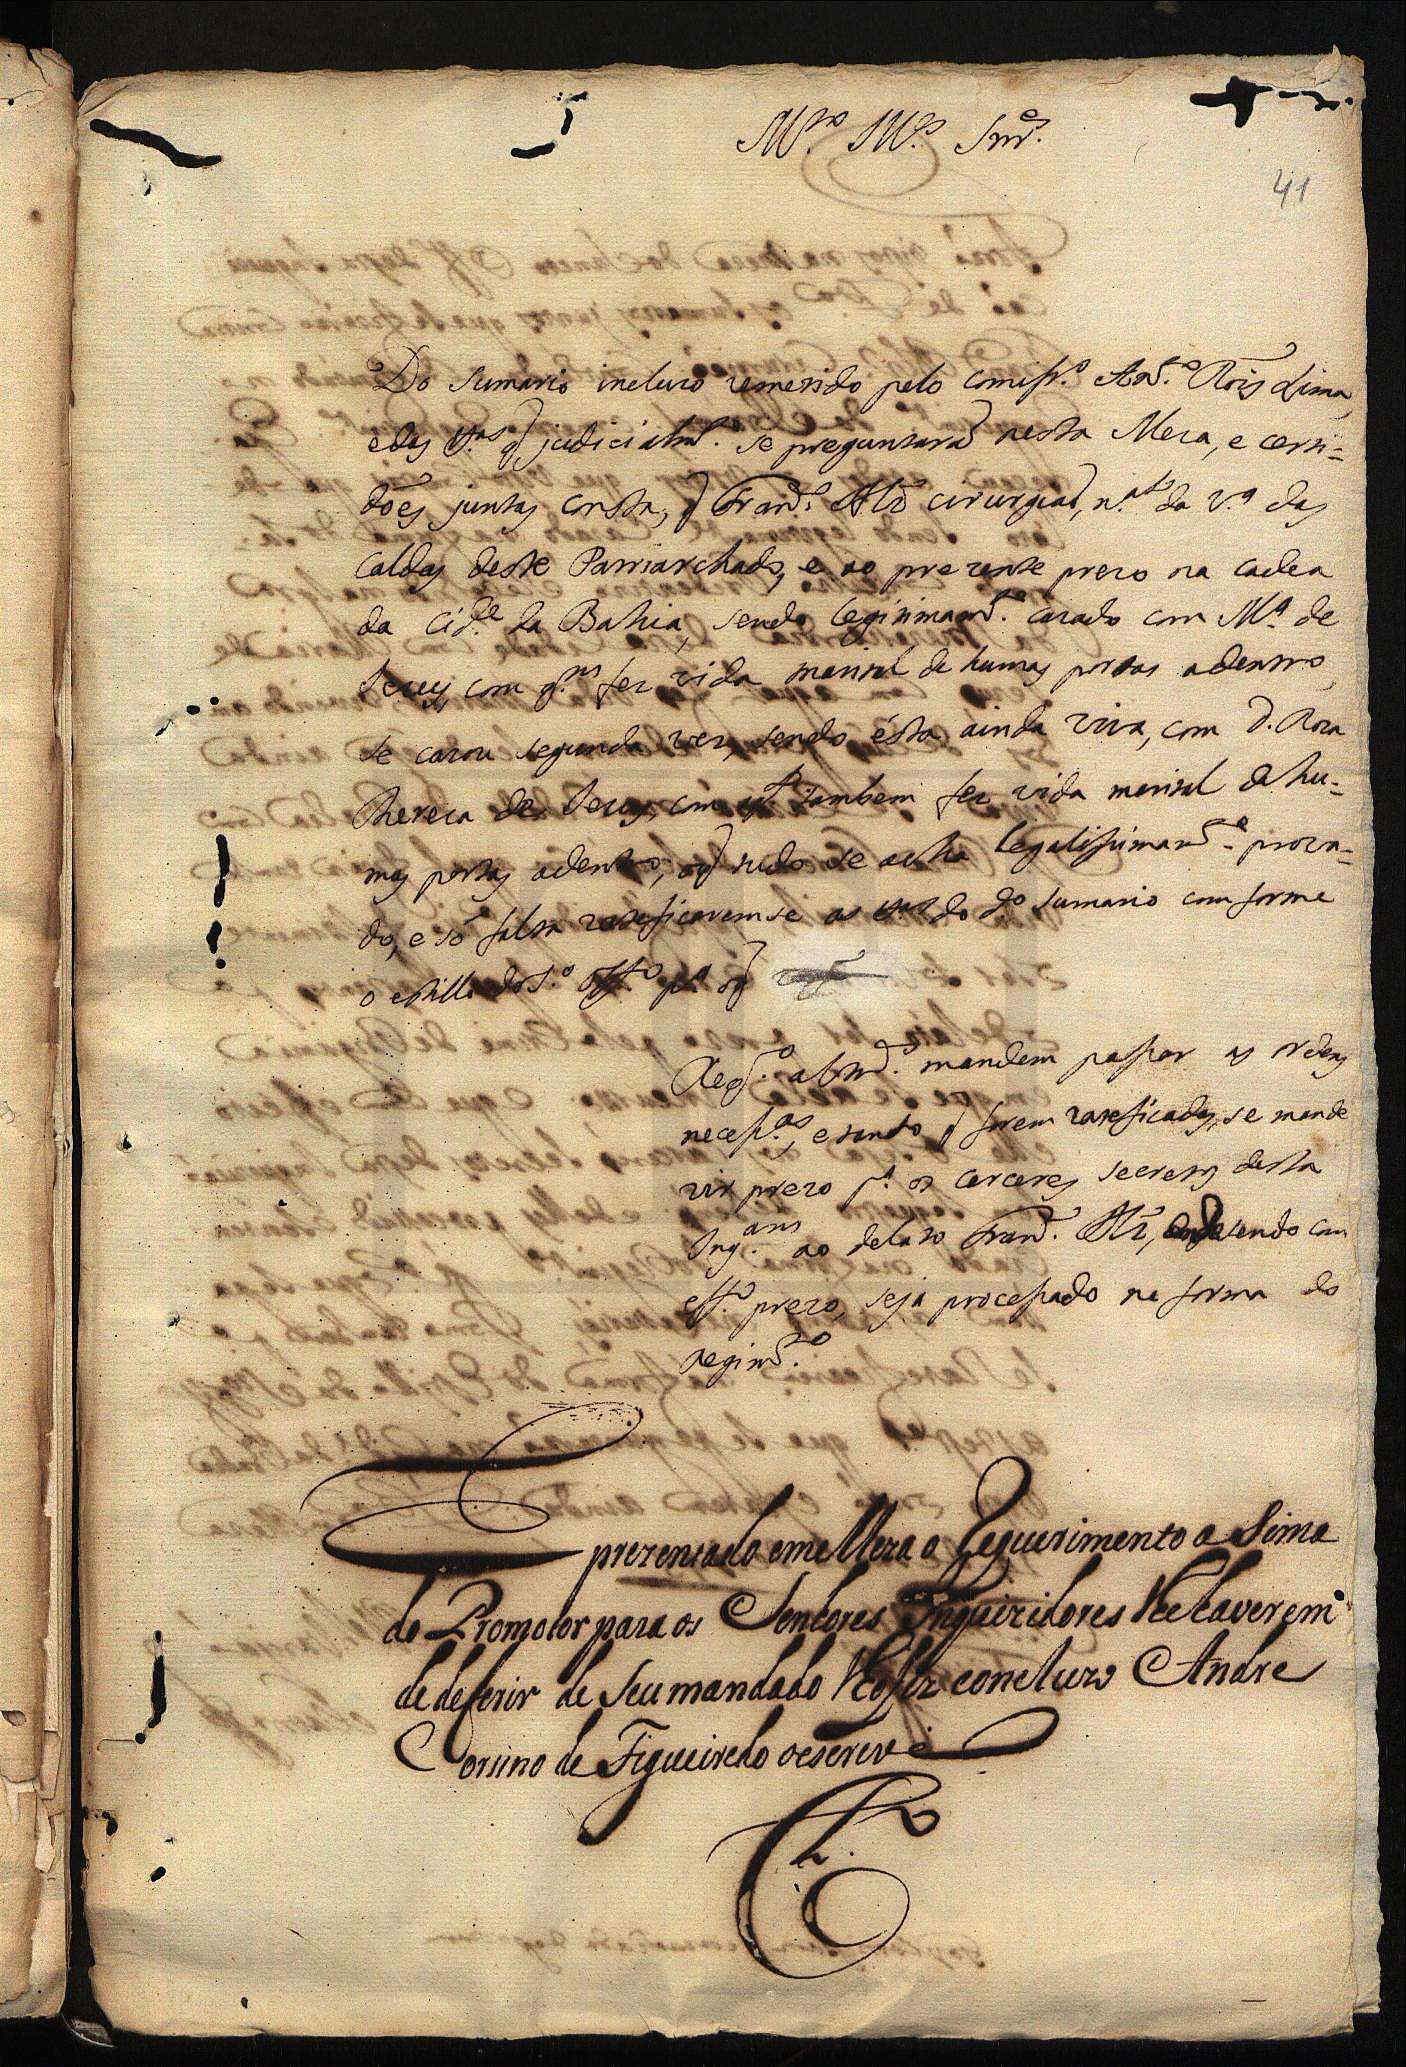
M.to Ill.es Snr.es
Do sumario incluzo remetido pelo comisr.o An.to Rois̄ Lima,
e das tt.as q̄ judicialm.te se perguntaraõ nesta Meza, e certi
dões juntas consta, q̄ Fran.co Alz̄ cirurgiaõ, n.al da V.a das
Caldas deste Patriarchado, e ao prezente prezo na cadea
da Cid.e da Bahia, sendo legitimam.te cazado com M.a de
Iezus, com q.m fez vida marital de humas portas adentro
se cazou segunda vez, sendo ésta ainda viva, com D. Roza
Thereza de Iezus, com a q.la tambem fez vida marital de hu
mas portas adentro, o q̄ tudo se acha legalissimam.te prova
do, e só falta rateficaremse as tt.as do d.o sumario comforme
o estillo do S.o off.o p.a o q̄
Ao p.o a V M.es mandem passar as ordens
necesr.as, e tanto q̄ forem rateficadas, se mande
vir prezo p.a os carceres secretos desta
Inq.am ao delato Fran.co Alz̄, onde sendo com
eff.o prezo, seja processado na forma do
regim.to
E prezentado em Meza o Requerimento aSima
do Promotor para os Senhores Inquizidores lhe haverem
de deferir de Seu mandado lho fez concluzo Andre
Corsino de Figueiredo o escrevi
Cl.o
